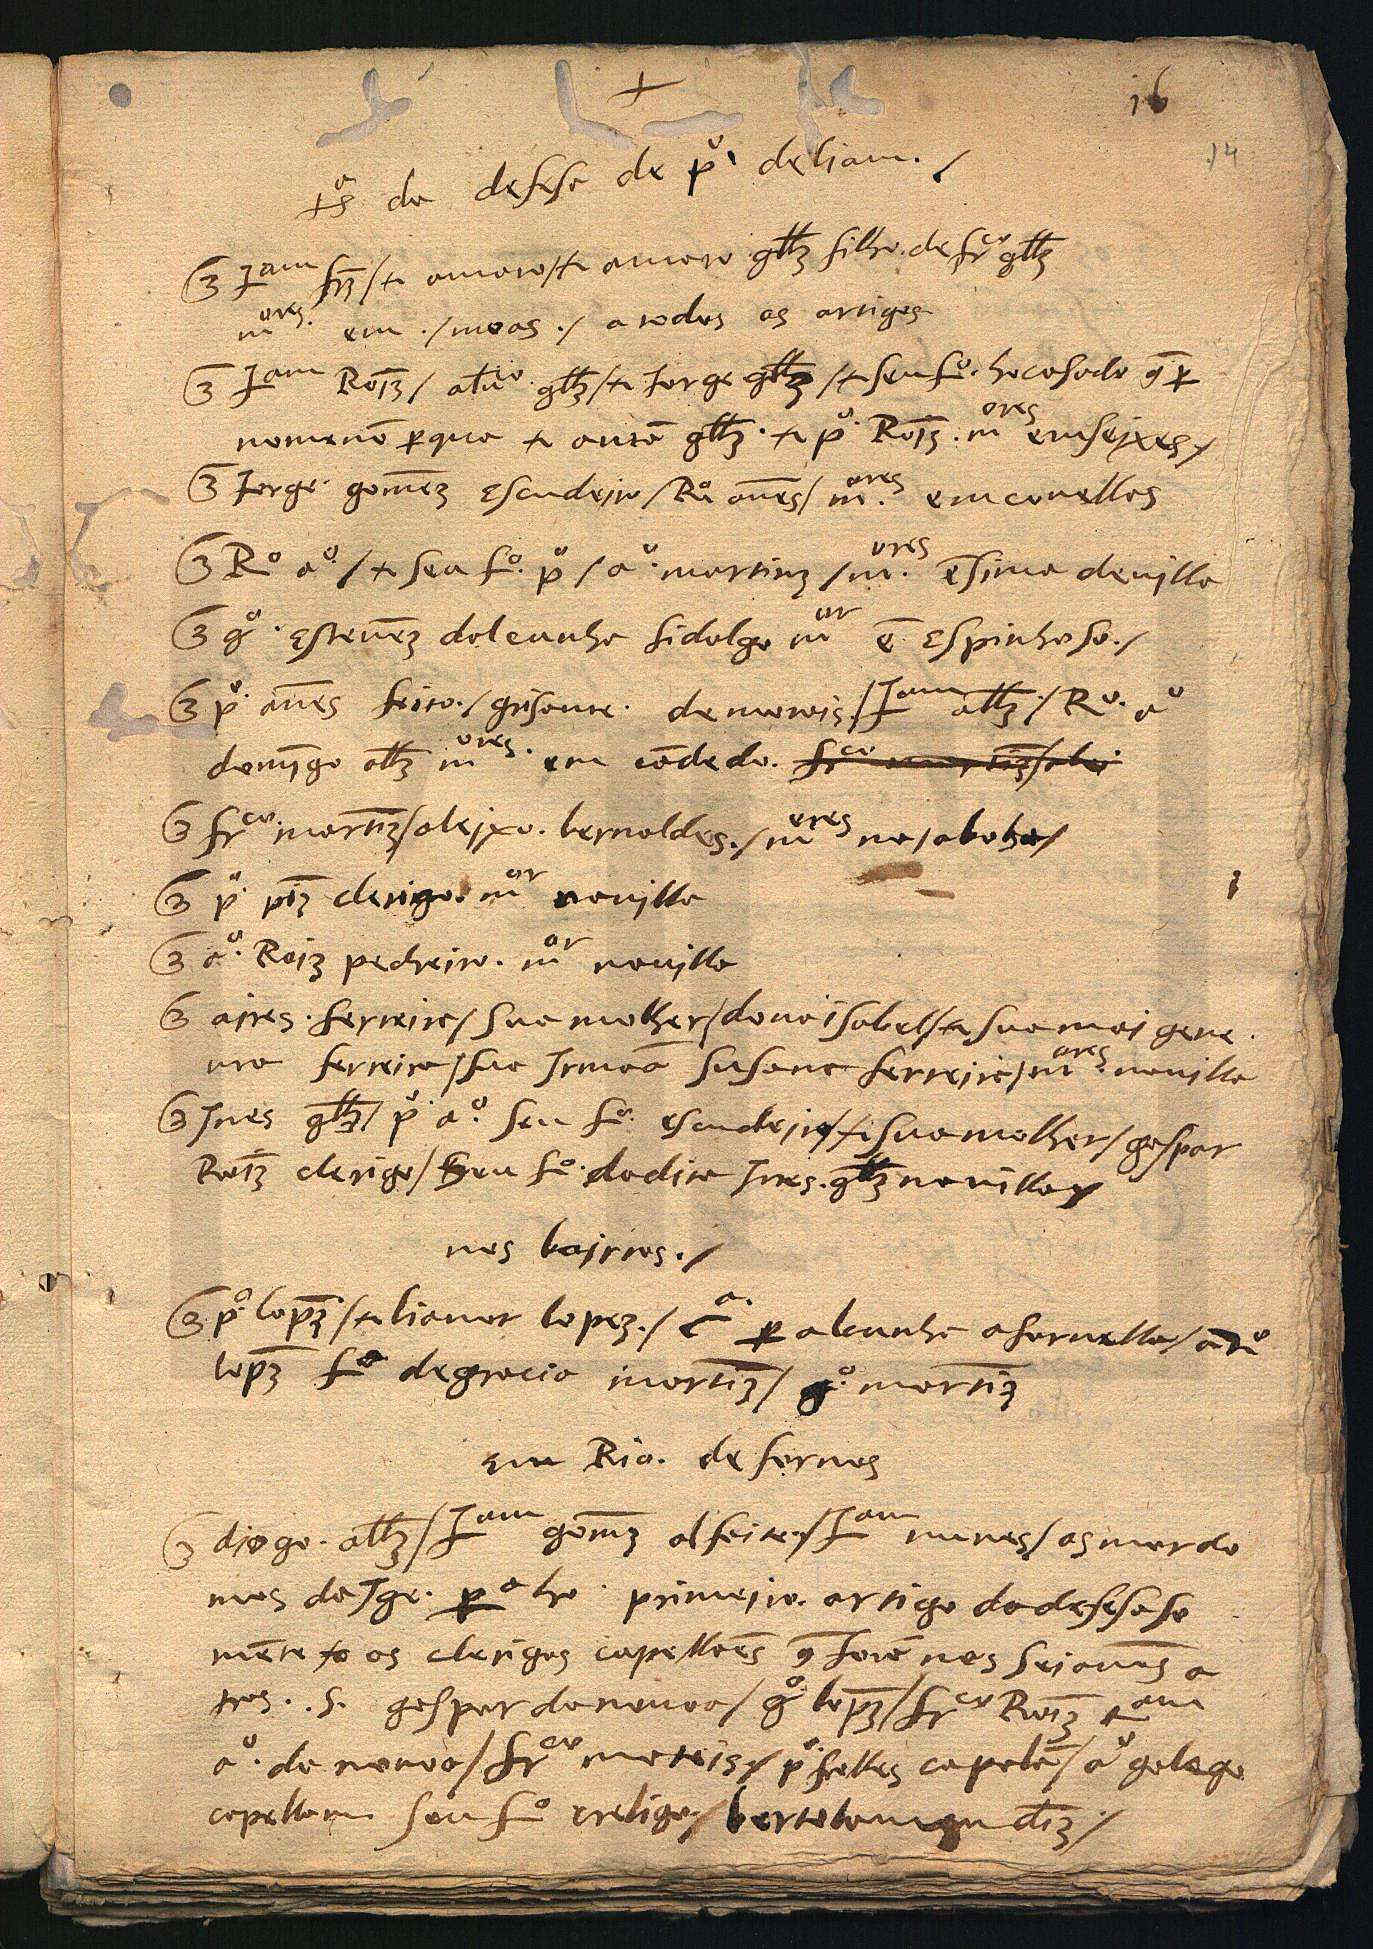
tsa da defesa de po de liam.
item Iam fr̄z / e amaro / e amaro gl̄lz filho de frco gl̄lz
mores. em ./ moas ./ a todos os artigos
item Iam Roīz / al̄uro. gl̄lz / e Jorge gl̄lz / e seu fo. he casado q̄ ꝑ
nome nō ꝑquo e antō gl̄lz. e po. Rōjz. mores em seixas /
item Iorge gom̄ez Escudeiro / Ro. an̄es / m.ores em couellos
item Ro ao. / e seu fo. po / ao. martinz / m.ores ē simo de uilla
item go. Esteuēz dalcunha fidalgo mor ē Espinhoso. /
item po. an̄es feito. / grisante. de morais / Iam al̄lz. / Ro. ao
domj̄go al̄lz mores. em cādedo.
item frca martīz / alejxo. bernaldes. / mores na
item po. p̄iz clerigo. mor na ujlla
item ao. Roiz pedreiro. mor na ujlla
item aires. ferreira / sua molher / dona isabel / e sua mai gene
ura ferreira / sua Jrmãa SuSana ferreira / mores. na uilla
item Jnes gl̄lz / po. a.o seu fo. escudejro / e sua molher / gaspar
Rōiz clerigo / Seu fo. da dita Ines. gl̄lz na uilla/
nos bajrros ./
item p.o lop̄z / e lianor lopez. / Ca ꝑ alcunha a Soruella / aLo
lop̄z fo de gracia martīz / g.o martīz
Em Rio. de fornos
item diogo. al̄lz / Iam gōmez alfeite / Iam nunes / os mordo
mos da Jge. ꝑa ho primejro. artigo da defesa so
mēte e os clerigos capellães q̄ forā nos seian̄os a
tres. .s. gaspar da nouoa / go lop̄z / frco Rōiz tam
ao. da nouoa / frco morais. / po. frelles capelā / ao galego
capellam seu fo creligo / bertolameu dīz. /
